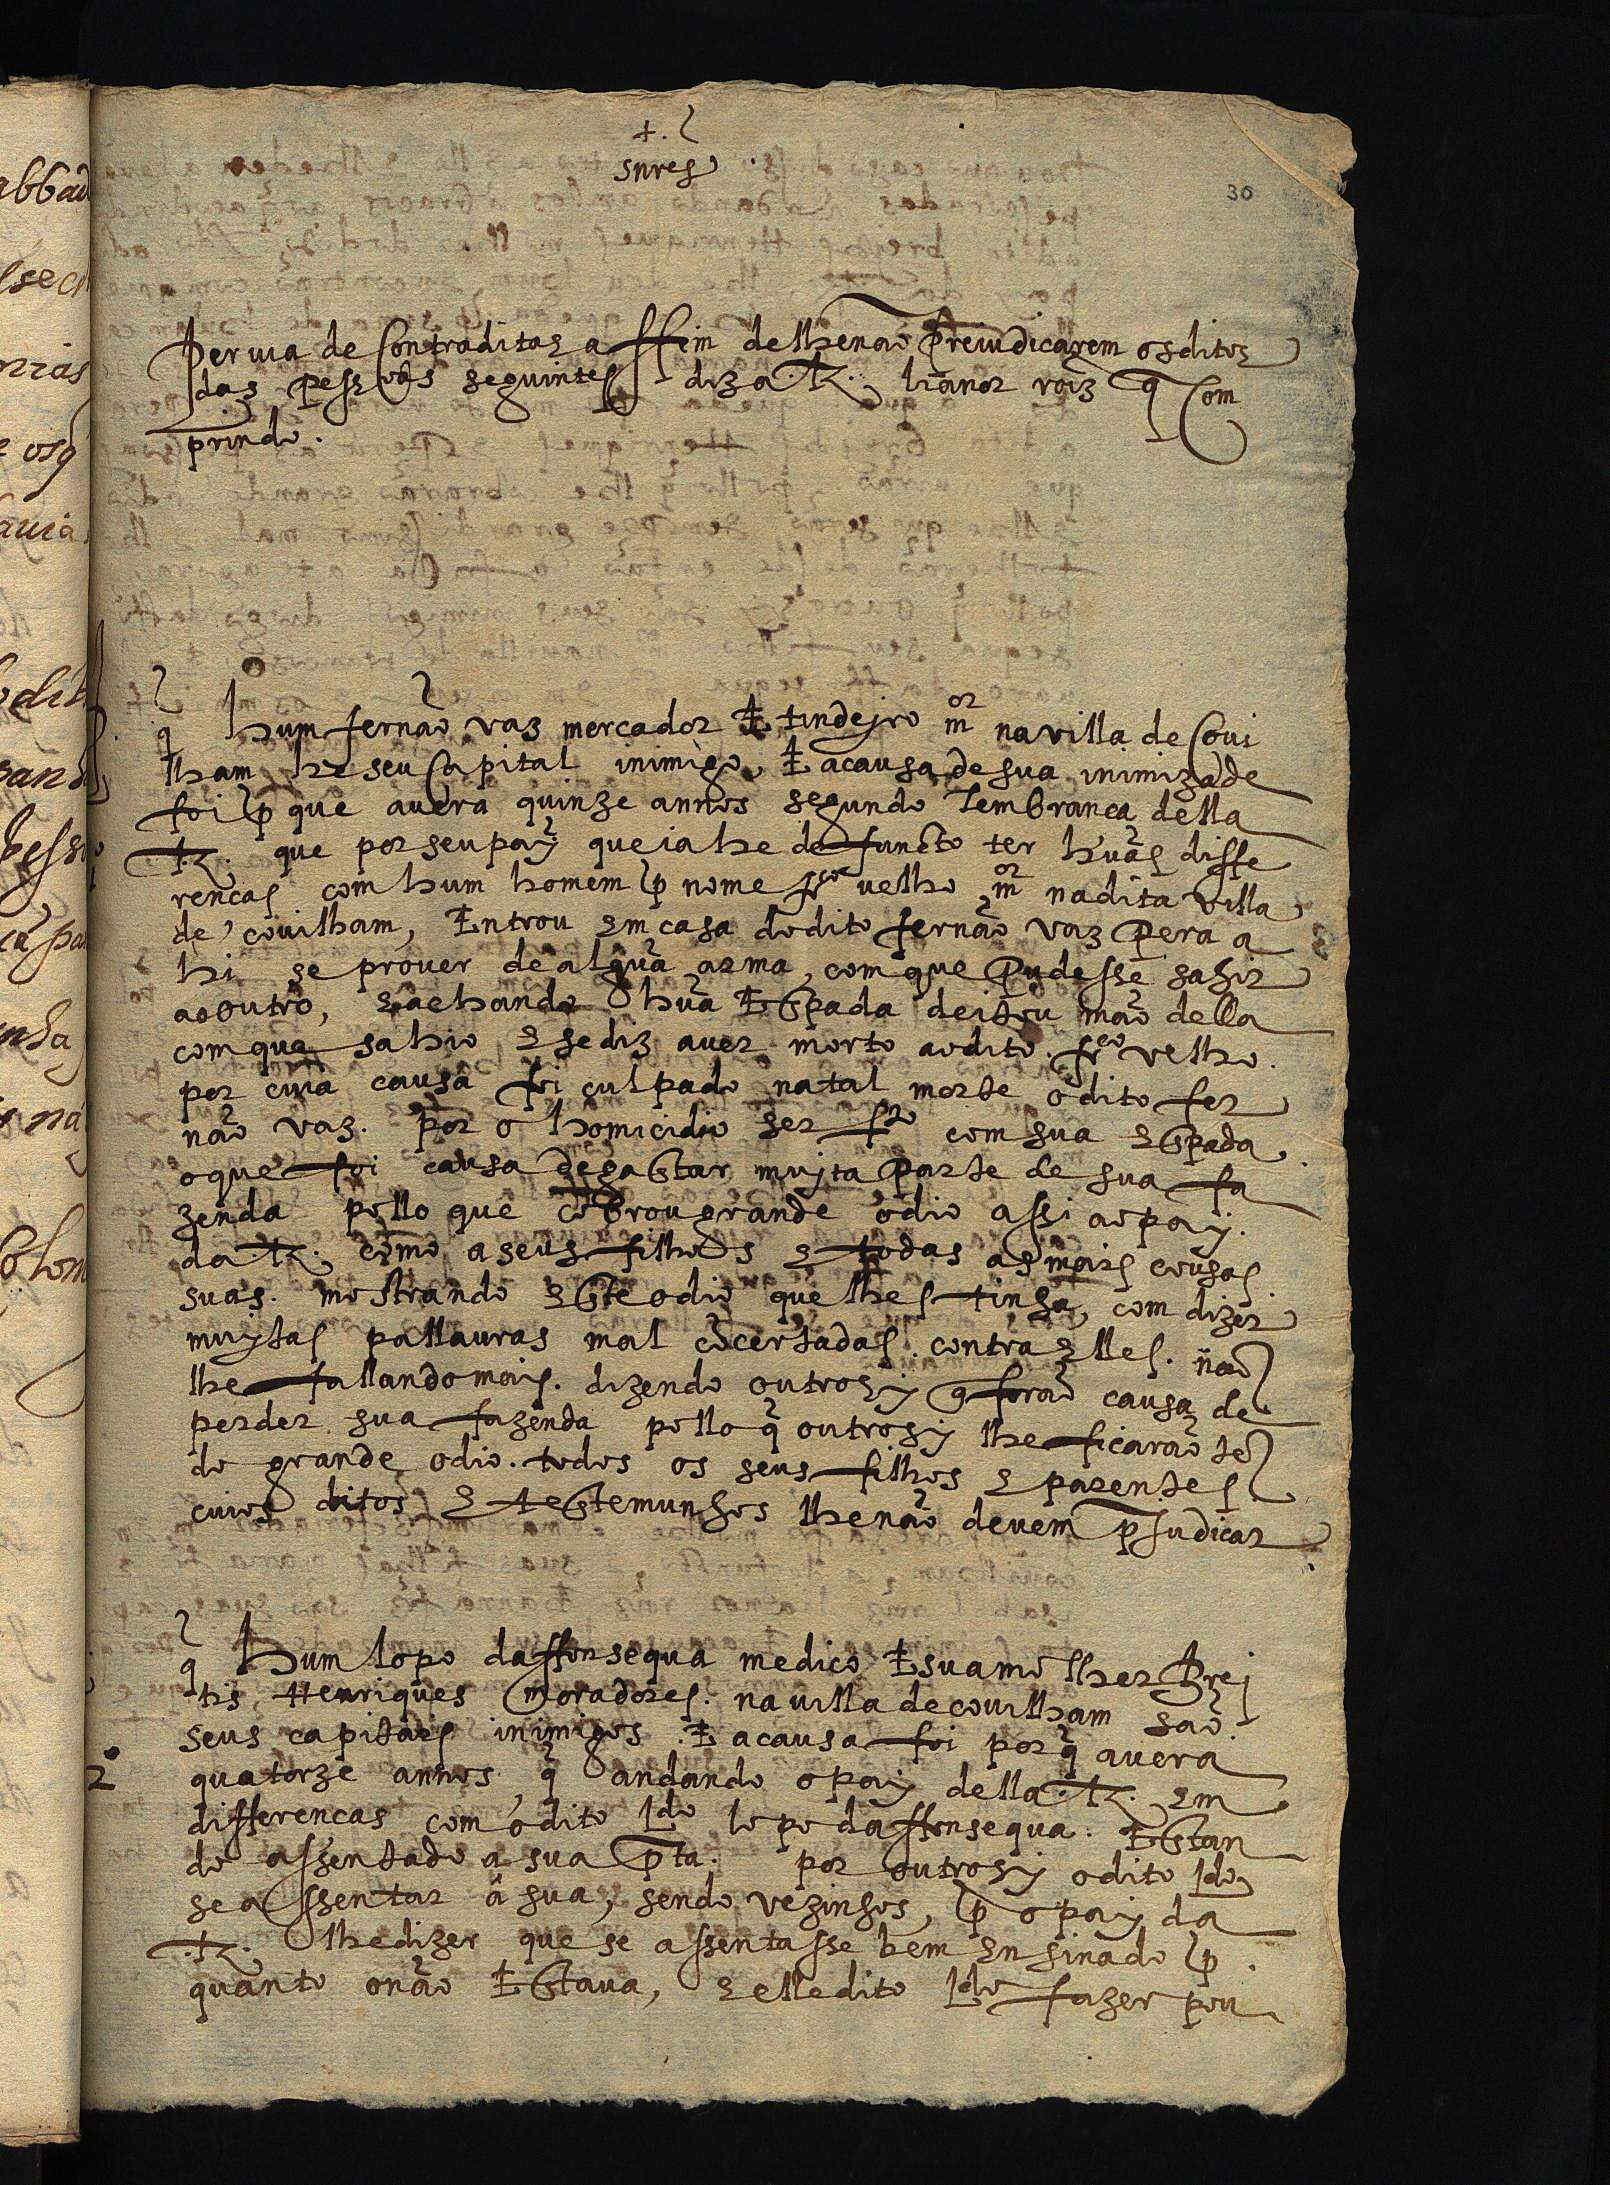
snres̄
Per uia de Contraditas affim de lhe naõ preiudicarem os ditos
das pessoas seguintes diz a .R. lianor roīz q̄ Com
prindo.
q̄ hum fernão vaz mercador E tindejro mor na villa de Coui
lham he seu Capital inimigo, E a causa de sua inimizade
foi p̄ que auera quinze annos segundo lembrança della
.R. que por seu pay que ia he defuncto ter huās diffe
renças com hum homem p̄ nome frco uelho mor na dita villa
de couilham, Entrou Em casa do dito fernão vaz Pera a
hi se prouer de algūa arma, com que Pudesse sahir
ao Outro, E achando hūa Espada deitou maõ della
com que sahio E se diz auer morto ao dito frco velho
por cuīa causa foi culpado na tal morte o dito fer
não vaz. por o homicidio ser fto com sua Espada
o que foi causa de gastar mujta Parte de sua fa
zenda pollo que cobrou grande odio assi ao pay.
da .R. como a seus filhos E todas as mais cousas
suas mostrando Este odio que lhes tinha, com dizer
muytas pallauras mal cōcertadas contra Elles. naõ
lhe fallando mais. dizendo outrosy q̄ foraõ causa de
perder sua fazenda pollo q̄ outrosy lhe ficaraõ tē
do grande odio. todos os seus filhos E parentes
cuios ditos E testemunhos lhe não deuem p̄judicar
q̄ hum lopo da ffonsequa medico E sua molher Brej
tis Henriques moradores. na uilla de couilham saõ
seus capitais inimigos. E a causa foi por q̄ auera
quatorze annos q̄ andando o pay della .R. Em
differenças com o dito Ldo lopo da ffonsequa. Estan
do assentado a sua p̄ta. por outrosy o dito Ldo
se assentar â sua, sendo vezinhos, p̄ o pay da
.R. lhe dizer que se assentasse bem Ensinado p̄
quanto o não Estaua, E elle dito Ldo fazer pou
